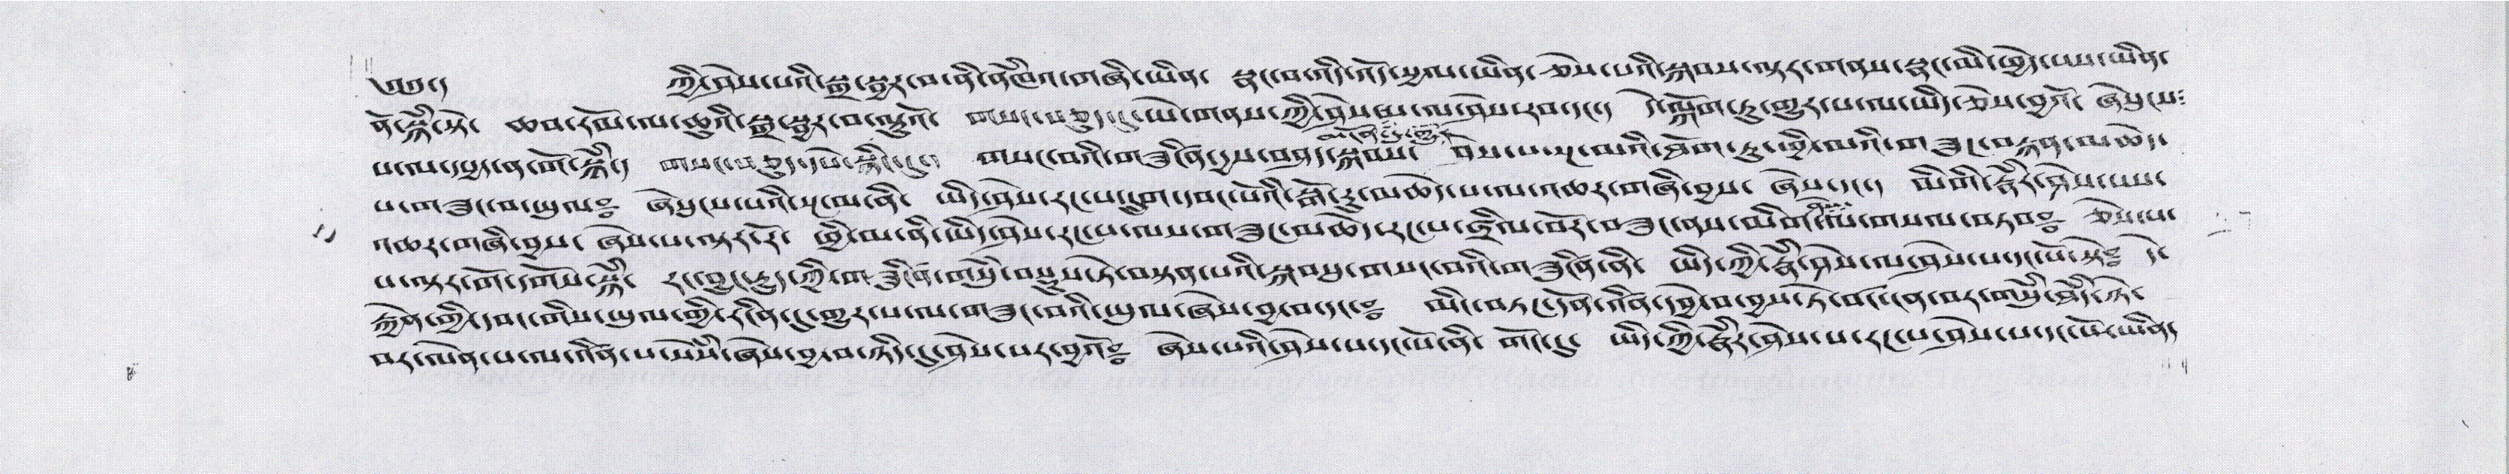ཀྱི་ཤེས་པའི་སྒྲ་སྦྱར་བ་ནི་ནམ་མཁའ་གཞི་ཡིན། སྣང་བ་འདི་འོད་གསལ་ཡིན་ཅེས་པའི་སྐབས་ལྟར་གནས་སྣང་མི་ཕྱེད་པས་ཡིན་
ནོ་སྙམ་སྟེ། ཆབ་རོམ་ལ་ཆུ་ཡི་སྒྲ་སྦྱར་བ་ལྟ་བུའོ། གསང་བཅུད་དུ་ཡེ་གནས་ཀྱི་ཤེས་པ་མངོན་དུ་གྱུར་པ་ལ་ཤེས་རབ་དང་། དེ་ལྐོག་ཏུ་གྱུར་པ་ལ་ཡིད་ཅེས་བྱའོ། ཞེས་གསུངས་
པ་ལ་དཔྱད་ན་གོ་སྙམ། གསང་བཅུད་དཔེ་སྙིང་དུ། གསང་བའི་གཟུང་འཛིན་རྒྱས་བཤད་སྐབས། ཤེས་པ་སྔ་མའི་ཐོག་ཏུ་ཕྱི་མའི་གཟུགས་བརྙན་མཆེད་
པ་གཟུང་ཡུལཿ ཞེས་གསུངས་པའི་སྔ་མ་ནི། ཡིད་ཤེས་རང་ས་དྲུག་དབང་པོའི་སྒོ་རུ་མཆེད་པ་ལ་འཆར་གཞི་བྱས། ཞེས་དང་། མིག་གི་རྣམ་པར་ཤེས་པས་
འཆར་གཞི་བྱས། ཞེས་པ་ལྟར་རོ། ཕྱི་མ་ནི་ཡེ་ཤེས་རང་ས་ལས་གཟུགས་མཆེད་རགས་པ་ཧྲིལ་པོར་བཟུང་ནས་མིག་ཤེས་ལ་གསལ་བཏབཿ ཅེས་པ་
ལྟར་གོ་དགོས་སྙམ། རང་བྱུང་རྒྱུད་ཀྱི་གཟུང་འཛིན་གསུམ་བསྡུས་ཏེ་བསྟན་པའི་སྐབས་སུ་གསང་བའི་གཟུང་འཛིན་ནི། ཡིད་ཀྱི་རྣམ་ཤེས་ལ་ཤེས་པ་དང་པོ་སྟེཿ དེ་
རྐྱེན་གྱི་དབང་གིས་ཡུལ་གྱི་རང་བཞིན་དུ་གྱུར་པ་ལ་གཟུང་བའི་ཡུལ་ཞེས་བྱ་བ་དངཿ མིང་བཏགས་དོན་འཛིན་དབྱེ་བ་བྱས་ཏེ་བཟང་ངན་བར་གསུམ་ཐམས་ཅད་ཉེ་
བར་ལེན་པ་ལ་འཛིན་པ་སེམས་ཞེས་བྱ་བ་ཉིད་དུ་ཤེས་པར་བྱའོཿ ཞེས་པའི་ཤེས་པ་དང་པོ་ནི་གོང་དུ། ཡིད་ཀྱི་རྣམ་པར་ཤེས་པ་ཤེས་པ་དང་པོ་ཡིན།